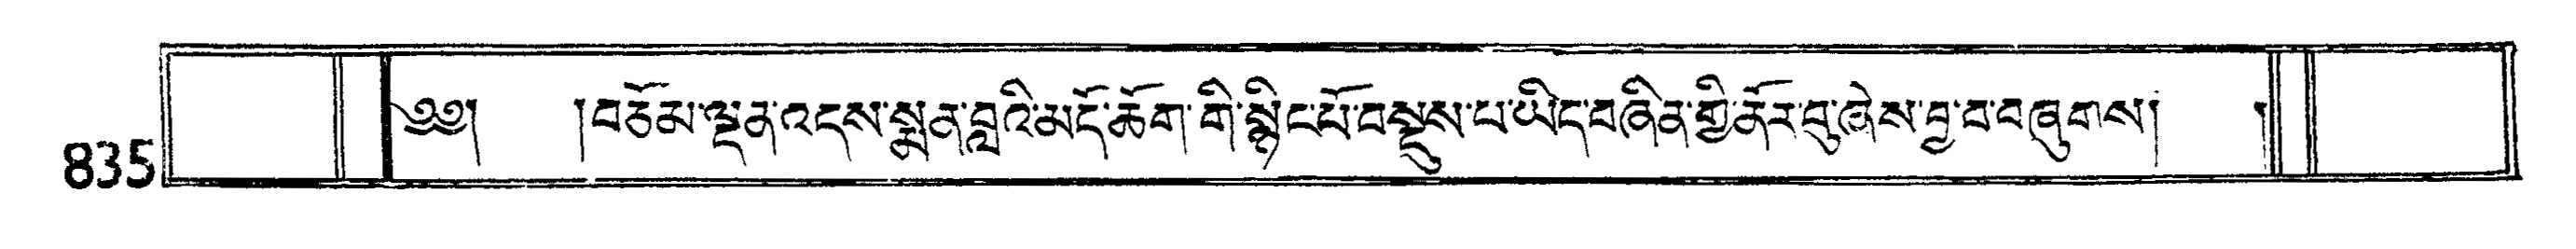༄༅། །བཅོམ་ལྡན་འདས་སྨན་བླའི་མདོ་ཆོག་གི་སྙིང་པོ་བསྡུས་པ་ཡིད་བཞིན་གྱི་ནོར་བུ་ཞེས་བྱ་བ་བཞུགས། །